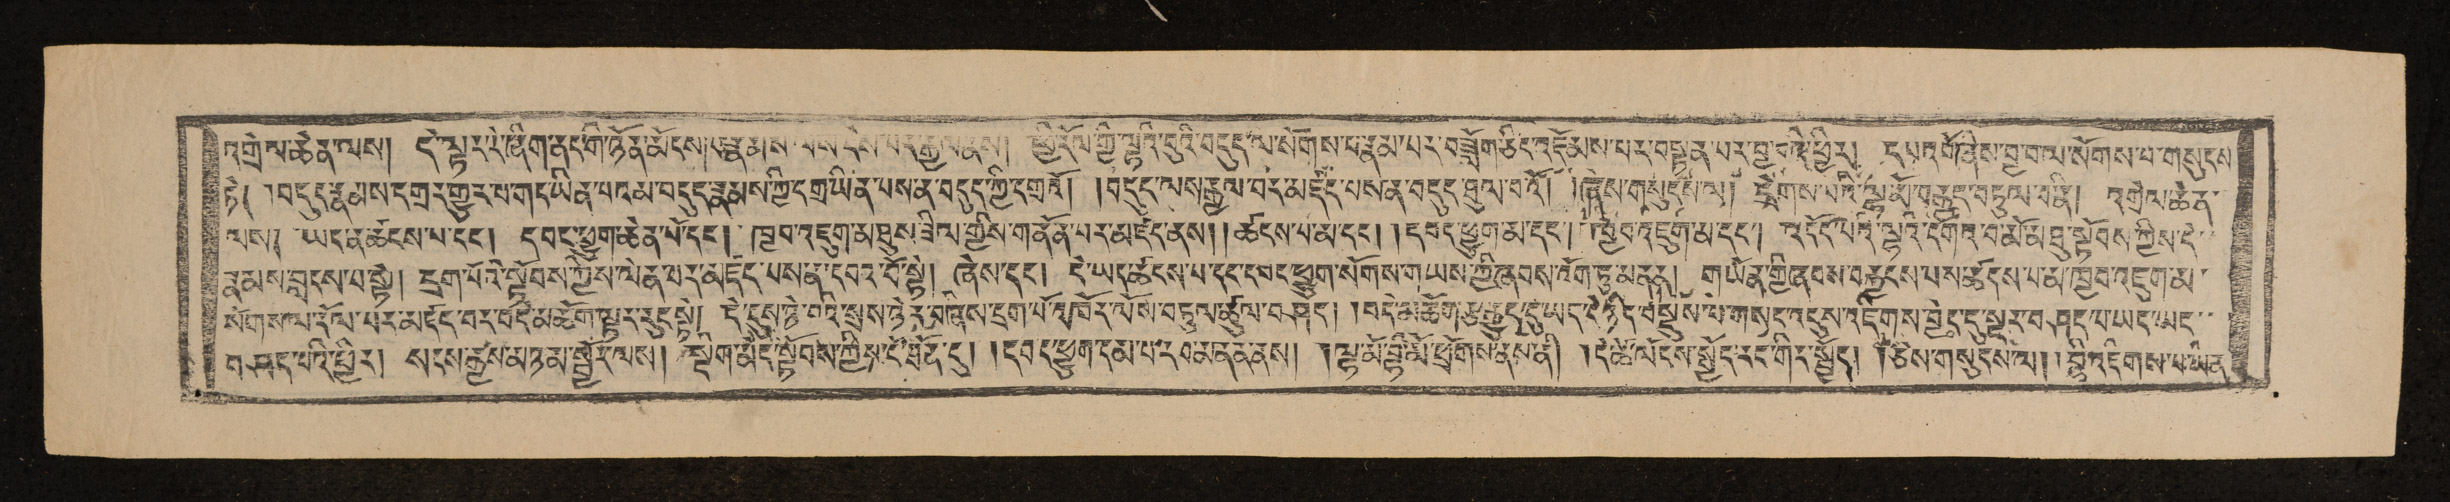འགྲེལ་ཆེན་ལས། དེ་ལྟར་རེ་ཞིག་ནང་གི་ཉོན་མོངས་པ་རྣམས་ལས་ངེས་པར་རྒྱལ་ནས། ཕྱི་རོལ་གྱི་ལྷའི་བུའི་བདུད་ལ་སོགས་པ་རྣམ་པར་བཟློག་ཅིང་འཇོམས་པར་བསྟན་པར་བྱ་བའི་ཕྱིར། དཔའ་བོ་ཞེས་བྱ་བ་ལ་སོགས་པ་གསུངས་
ཏེ༑ བདུད་རྣམས་དགྲར་གྱུར་པ་གང་ཡིན་པའམ་བདུད་རྣམས་ཀྱི་དགྲ་ཡིན་པས་ན་བདུད་ཀྱི་དགྲའོ། །བདུད་ལས་རྒྱལ་བར་མཛད་པས་ན་བདུད་ཐུལ་བའོ། །ཞེས་གསུངས་ལ། དྲེགས་པའི་ལྷ་མོ་བརྒྱད་བཏུལ་བ་ནི། འགྲེལ་ཆེན་
ལས༑ ཡང་ན་ཚངས་པ་དང་། དབང་ཕྱུག་ཆེན་པོ་དང་། ཁྱབ་འཇུག་མཐུས་ཟིལ་གྱིས་གནོན་པར་མཛད་ནས། ཚངས་པ་མ་དང་། དབང་ཕྱུག་མ་དང་། ཁྱབ་འཇུག་མ་དང་། འདོད་པའི་ལྷའི་དགའ་བ་མོ་མཐུ་སྟོབས་ཀྱིས་དེ་
རྣམས་བླངས་པ་སྟེ། དྲག་པོའི་སྟོབས་ཀྱིས་ལེན་པར་མཛད་པས་ན་དཔའ་བོ་སྟེ། ཞེས་དང་། དེ་ཡང་ཚངས་པ་དང་དབང་ཕྱུག་སོགས་གཡས་ཀྱི་ཞབས་འོག་ཏུ་མནན། གཡོན་གྱི་ཞབས་བརྐྱངས་པས་ཚངས་པ་མ་ཁྱབ་འཇུག་མ་
སོགས་ལ་རོལ་པར་མཛད་པར་བདེ་མཆོག་ལྟར་དུང་སྟེ། དེ་དུས་ཉེ་བའི་སྲས་ཉེར་བཞིས་དྲག་པོ་འཁོར་ལོས་བཏུལ་ཚུལ་བཤད། བདེ་མཆོག་རྩ་རྒྱུད་དུ་ཡང་དེ་ཉིད་བསྡུས་པ་གསང་འདུས་འཇིགས་བྱེད་དུ་སྔར་བཤད་པ་ཡང་ཡང་
བཤད་པའི་ཕྱིར། སངས་རྒྱས་མཉམ་སྦྱོར་ལས། སྡིག་མེད་སྟོབས་ཀྱིས་ངོ་ཐོན་དུ། །དབང་ཕྱུག་དམ་པ་རབ་མནན་ནས། །ལྷ་མོ་བྷི་མི་ཕྲོགས་ནས་ནི། །དེ་ཚེ་ལོངས་སྤྱོད་རང་གིར་སྤྱོད། །ཅེས་གསུངས་ལ། བྷི་འཇིགས་པ་ཡིན་